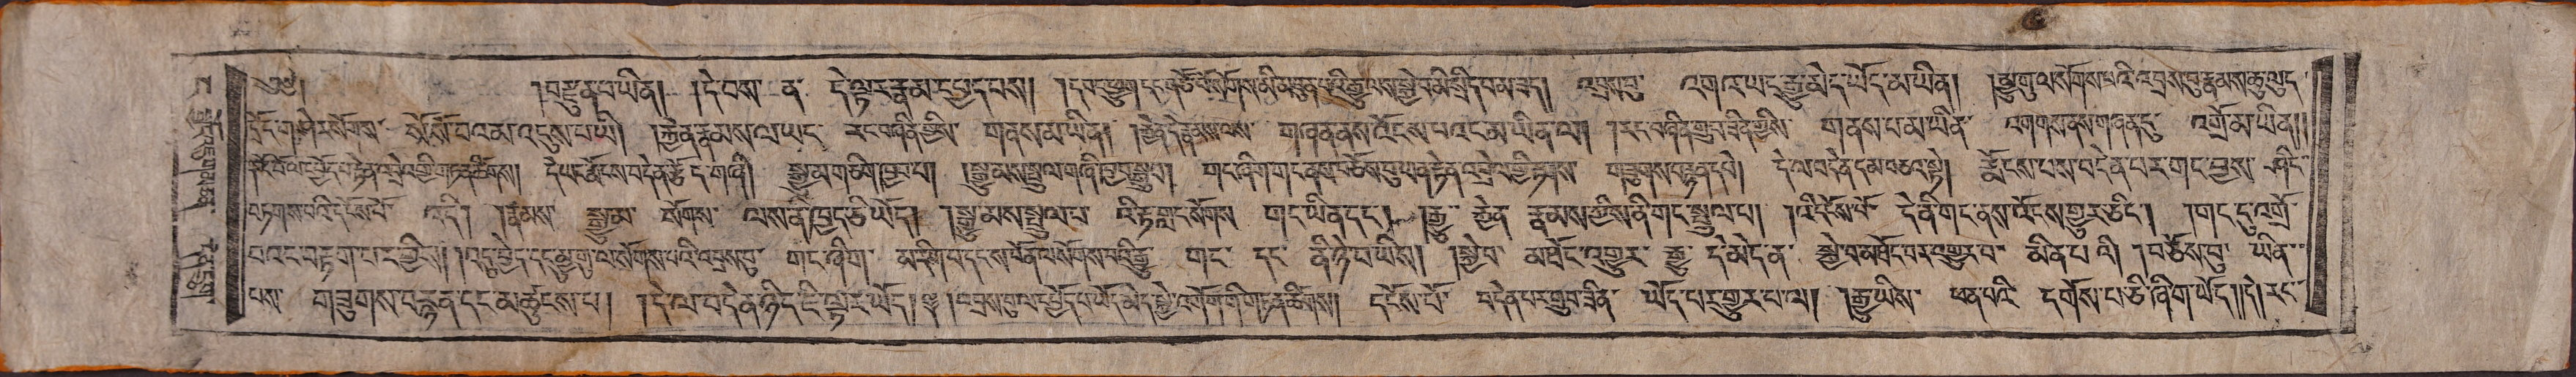༄༅། །བརྫུན་པ་ཡིན། །དེ་བས་ན་དེ་ལྟར་རྣམ་དཔྱད་པས། །དབང་ཕྱུག་དང་གཙོ་བོ་སོགས་མི་མཐུན་པའི་རྒྱུ་ལས་སྐྱེ་བ་མི་སྲིད་པ་མ་ཟད། འབྲས་བུ་འགའ་ཡང་རྒྱུ་མེད་ཡོད་མ་ཡིན། །མྱུ་གུ་ལ་སོགས་པའི་འབྲས་བུ་རྣམས་ཆུ་ལུད་
དྲོད་གཤེར་སོགས་སོ་སོ་བའམ་འདུས་པ་ཡི། །རྐྱེན་རྣམས་ལ་ཡང་རང་བཞིན་གྱིས་གནས་མ་ཡིན། །རྐྱེན་དེ་རྣམས་ལས་གཞན་ནས་འོང་པའང་མ་ཡིན་ལ། །རང་བཞིན་གྲུབ་ཟིན་གྱིས་གནས་པ་མ་ཡིན་འགགས་ནས་གཞན་དུ་འགྲོ་མ་ཡིན།།
༑ངོ་བོ་ལ་དཔྱོད་བརྟེན་འབྲེལ་གྱི་གཏན་ཚིགས། དེ་ཡང་རྨོངས་བདེན་རྩོད་གཞི། སྒྱུ་མ་གཅིག་ཁྱབ་པ། སྒྱུ་མས་སྤྲུལ་གཞི་ཁྱབ་སྒྲུབ། གང་ཞིག་གང་ནས་བཅོས་བུ་ཡན་རྟེན་འབྲེལ་གྱི་རྟགས། གཟུགས་བརྙན་དཔེ། དེ་ལ་བདེན་དམ་བཅའ་སྟེ།  རྨོངས་པས་བདེན་པར་གང་བྱས་ཤིང་
བཏགས་པའི་དངོས་པོ་འདི། །རྣམས་སྒྱུ་མ་སོགས་ལས་ནི་ཁྱད་ཅི་ཡོད། །སྒྱུ་མས་སྤྲུལ་པ་འི་རྟ་གླང་སོགས་གང་ཡིན་དང་། །རྒྱུ་རྐྱེན་རྣམས་ཀྱིས་ནི་གང་སྦྲུལ་བ། འི་དངོས་པོ་དེ་ནི་གང་ནས་འོངས་གྱུར་ཅིང་། །གང་དུ་འགྲོ་
བའང་བརྟག་པར་གྱིས། །འདུ་བྱེད་དང་མྱུ་གུ་ལ་སོགས་པའི་འབྲས་བུ་གང་ཞིག་མ་རིག་པ་དང་ས་བོན་ལ་སོགས་པའི་རྒྱུ་གང་དང་ནི་ཉེ་བ་ཡིས། །སྐྱེ་བ་མཐོང་འགྱུར་རྒྱུ་དེ་མེད་ན་སྐྱེ་བ་མཐོང་བར་འགྱུར་བ་མིན་པའི།  །བཅོས་བུ་ཡིན་
པས་གཟུགས་བརྙན་དང་མཚུངས་པ། །དེ་ལ་བདེན་ཉིད་ཇི་ལྟར་ཡོད། ༈ །འབྲས་བུ་ལ་དཔྱོད་པ་ཡོད་མེད་སྐྱེ་འགོག་གི་གཏན་ཚིགས།  དངོས་པོ་བདེན་པར་གྲུབ་ཟིན་ཡོད་པར་གྱུར་པ་ལ། །རྒྱུ་ཡིས་ཕན་པའི་དགོས་པ་ཅི་ཞིག་ཡོད། །དེ།  རང་